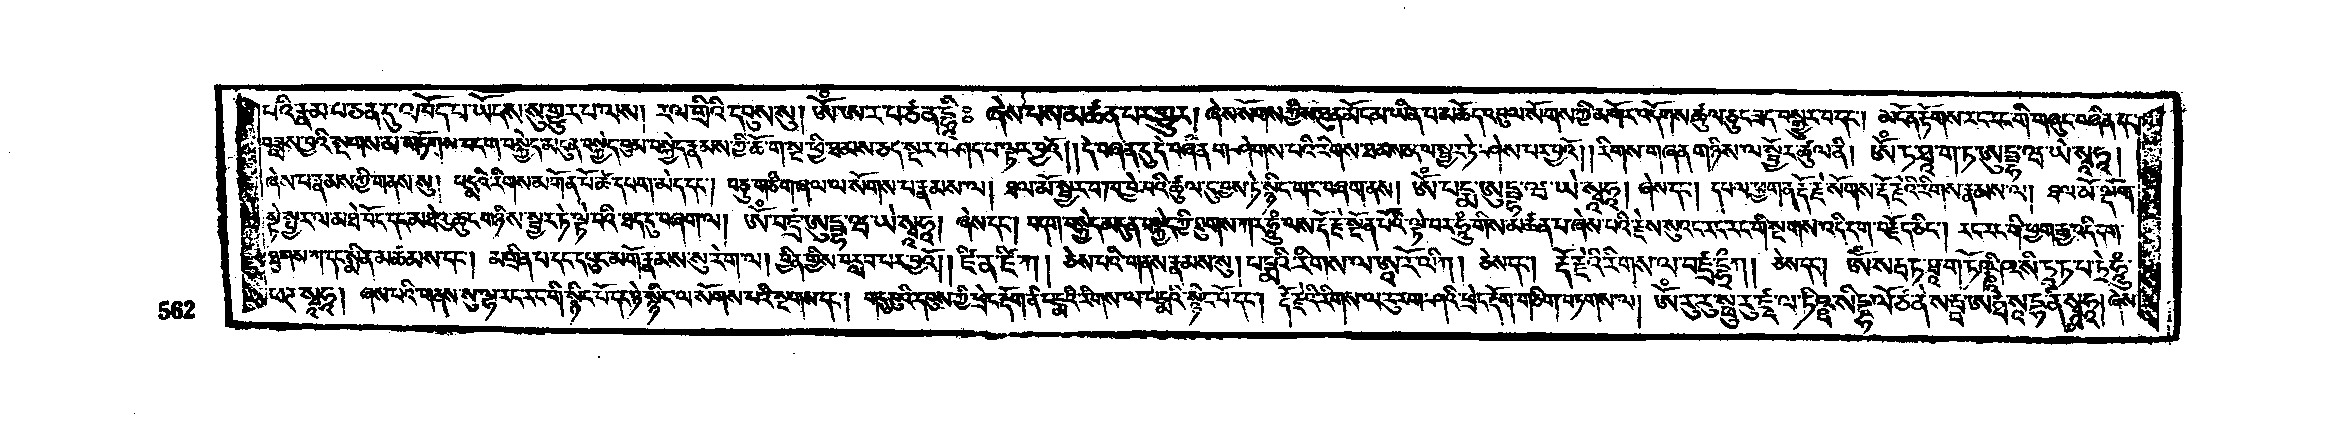པའི་རྣམ་པ་ཅན་དུ་འཁོད་པ་ཡོངས་སུ་གྱུར་པ་ལས། ར་གྲིའི་དབུས་སུ། ཨོཾ་ཨ་ར་པ་ཙ་ན་དྷཱིཿ ཞེས་པས་མཚན་པར་གྱུར། ཞེས་སོགས་ཀྱིས་ཐུན་མོང་མ་ཡིན་པ་མཆོད་འབུལ་སོགས་ཀྱི་མགོར་འདོགས་ཚུལ་ཅུང་ཟད་བསྒྱུར་བ་དང་། མངོན་རྟོགས་རང་རང་གི་གཞུང་བཞིན་དང་
བཟླས་བྱའི་སྔགས་མ་གཏོགས་བདག་བསྐྱེད་མདུན་བསྐྱེད་བུམ་བསྐྱེད་རྣམས་ཀྱི་ཆོ་ག་སྔ་ཕྱི་ཐམས་ཅད་སྔར་བཤད་པ་ལྟར་བྱའོ། །དེ་བཞིན་དུ་དེ་བཞིན་གཤེགས་པའི་རིགས་ཐམས་ཅད་ལ་སྦྱར་ཏེ་ཤེས་པར་བྱའོ། །རིགས་གཞན་གཉིས་ལ་སྦྱོར་ཚུལ་ནི། ཨོཾ་ཏ་ཐཱ་ག་ཏ་ཨུདབྷ་ཝ་ཡེ་སྭཱཧཱ།
ཞེས་པ་རྣམས་ཀྱི་གནས་སུ། པདམའི་རིགས་མགོན་པོ་ཚེ་དཔག་མེད་དང་། བཅུ་གཅིག་ཞལ་ལ་སོགས་པ་རྣམས་ལ། ཐལ་མོ་སྦྱར་བ་ཁ་བྱེ་བའི་ཚུལ་དུ་བྱས་ཏེ་སྙིང་གར་བཞག་ནས། ཨོཾ་པདམ་ཨུདབྷ་ཝ་ཡེ་སྭཱཧཱ། ཞེས་དང་། དཔལ་ཕྱག་ན་རྡོ་རྗེ་སོགས་རྡོ་རྗེའི་རིགས་རྣམས་ལ། ཐལ་མོ་ལྡོག་
སྟེ་སྦྱར་ལ་མཐེ་བོང་དང་མཐེའུ་ཆུང་གཉིས་སྦྱར་ཏེ་ལྟེ་བའི་ཐད་དུ་བཞག་ལ། ཨོཾ་བཛྲ་ཨུདབྷ་ཝ་ཡེ་སྭཱཧཱ། ཞེས་དང་། བདག་བསྐྱེད་མདུན་བསྐྱེད་ཀྱི་ཐུགས་ཀར་ཧཱུཾ་ལས་རྡོ་རྗེ་སྔོན་པོའི་ལྟེ་བར་ཧཱུཾ་གིས་མཚན་པ་ཞེས་པའི་རྗེས་སུའང་རང་རང་གི་སྔགས་འདི་དག་བརྗོད་ཅིང་། རང་རང་གི་ཕྱག་རྒྱ་འདི་དག་
ཐུགས་ཀ་དང་སྨིན་མཚམས་དང་། མགྲིན་པ་དང་དཔུང་མགོ་རྣམས་སུ་རེག་ལ། བྱིན་གྱིས་བརླབ་པར་བྱའོ། །ཛི་ན་ཛི་ཀ། ཅེས་པའི་གནས་རྣམས་སུ། པདམའི་རིགས་ལ་ཨཱ་རོ་ལིག། ཅེས་དང། རྡོ་རྗེའི་རིགས་ལ་བཛྲ་གྷྲྀཀ། ཅེས་དང། ཨོམ་སརྦ་ཏ་ཐཱ་ག་ཏོ་ཥྞཱི་ཥཱ་སི་ཏཱ་ཏ་པ་ཏྲེ་ཧཱུཾ་
ཕཊ་སྭཱཧཱ། ཞེས་པའི་གནས་སུ་ལྷ་རང་རང་གི་སྙིང་པོ་དང་ཉེ་སྙིང་ལ་སོགས་པའི་སྔགས་དང་། གདུ་བུའི་དབུས་ཀྱི་ཕྲེང་རྡོག་ནི་པདམའི་རིགས་ལ་པདམའི་སྙིང་པོ་དང་། རྡོ་རྗེའི་རིགས་ལ་རུ་རག་ཤའི་ཕྲེང་རྡོག་གཅིག་བཏགས་ལ། ཨོཾ་རུ་རུ་སྤུ་རུ་ཛྭ་ལ་ཏིཥཊཿཨ་སཱ་དྷ་ནི་སྭཱཧཱ། ཞེས་